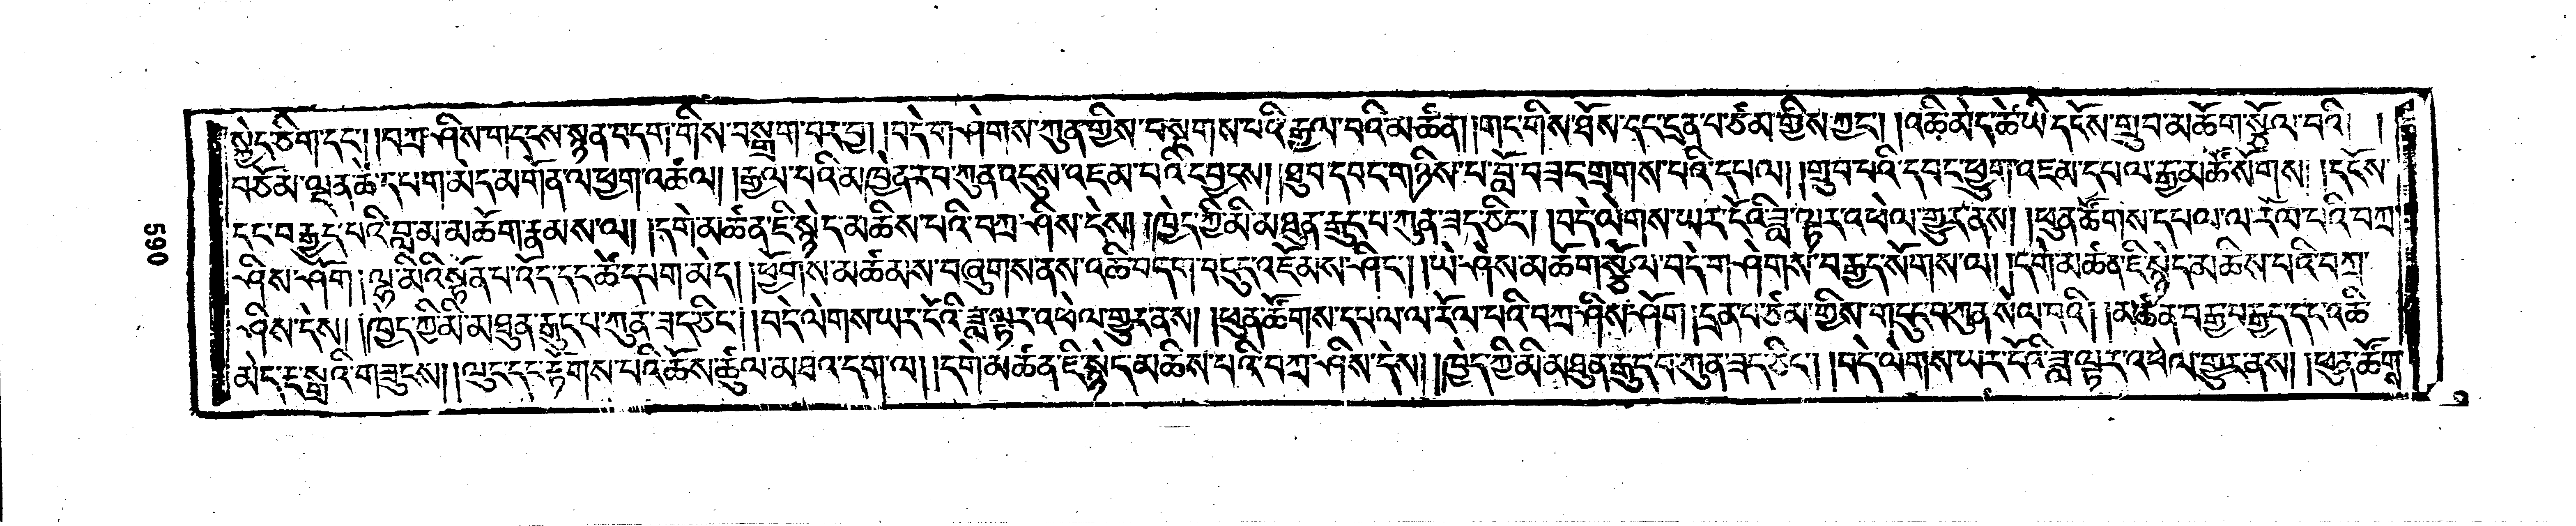སྐྱེད་ཅིག་དང་། །བཀྲ་ཤིས་གདངས་སྙན་བདག་གིས་བསྒྲག་པར་བྱ། །བདེ་གཤེགས་ཀུན་གྱིས་བསྔགས་པའི་རྒྱལ་བའི་མཚན། །གང་གིས་ཐོས་དང་དྲན་པ་ཙམ་གྱིས་ཀྱང་། །འཆི་མེད་ཚེ་ཡི་དངོས་གྲུབ་མཆོག་སྩོལ་བའི། །
བཅོམ་ལྡན་ཚེ་དཔག་མེད་མགོན་ལ་ཕྱག་འཚལ། །རྒྱལ་བའི་མཁྱེན་རབ་ཀུན་འདུས་འཇམ་པའི་དབྱངས། །ཐུབ་དབང་གཉིས་པ་བློ་བཟང་གྲགས་པའི་དཔལ། །གྲུབ་པའི་དབང་ཕྱུག་འཇམ་དཔལ་རྒྱ་མཚོ་སོགས། །དངོས་
དང་བརྒྱུད་པའི་བླ་མ་མཆོག་རྣམས་ལ། །དགེ་མཚན་ཇི་སྙེད་མཆིས་པའི་བཀྲ་ཤིས་དེས། །ཁྱེད་ཀྱི་མི་མཐུན་རྒུད་པ་ཀུན་ཟད་ཅིང་། །བདེ་ལེགས་ཡར་ངོའི་ཟླ་ལྟར་འཕེལ་གྱུར་ནས། །ཕུན་ཚོགས་དཔལ་ལ་རོལ་པའི་བཀྲ་
ཤིས་ཤོག །ལྷ་མིའི་སྟོན་པ་འོད་དང་ཚེ་དཔག་མེད། །ཕྱོགས་མཚམས་བཞུགས་ནས་འཆི་བདག་བདུད་འཇོམས་ཤིང་། །ཡེ་ཤེས་མཆོག་སྩོལ་བདེ་གཤེགས་བརྒྱད་སོགས་ལ། །དགེ་མཚན་ཇི་སྙེད་མཆིས་པའི་བཀྲ་
ཤིས་དེས། །ཁྱེད་ཀྱི་མི་མཐུན་རྒུད་པ་ཀུན་ཟད་ཅིང་། །བདེ་ལེགས་ཡར་ངོའི་ཟླ་ལྟར་འཕེལ་གྱུར་ནས། །ཕུན་ཚོགས་དཔལ་ལ་རོལ་པའི་བཀྲ་ཤིས་ཤོག །དྲན་པ་ཙམ་གྱིས་གདུང་བ་ཀུན་སེལ་བའི། །མཚན་བརྒྱ་བརྒྱད་དང་འཆི་
མེད་རྔ་སྒྲའི་གཟུངས། །ལུང་དང་རྟོགས་པའི་ཆོས་ཚུལ་མཐའ་དག་ལ། །དགེ་མཚན་ཇི་སྙེད་མཆིས་པའི་བཀྲ་ཤིས་དེས། །ཁྱེད་ཀྱི་མི་མཐུན་རྒུད་པ་ཀུན་ཟད་ཅིང་། །བདེ་ལེགས་ཡར་ངོའི་ཟླ་ལྟར་འཕེལ་གྱུར་ནས། །ཕུན་ཚོགས་